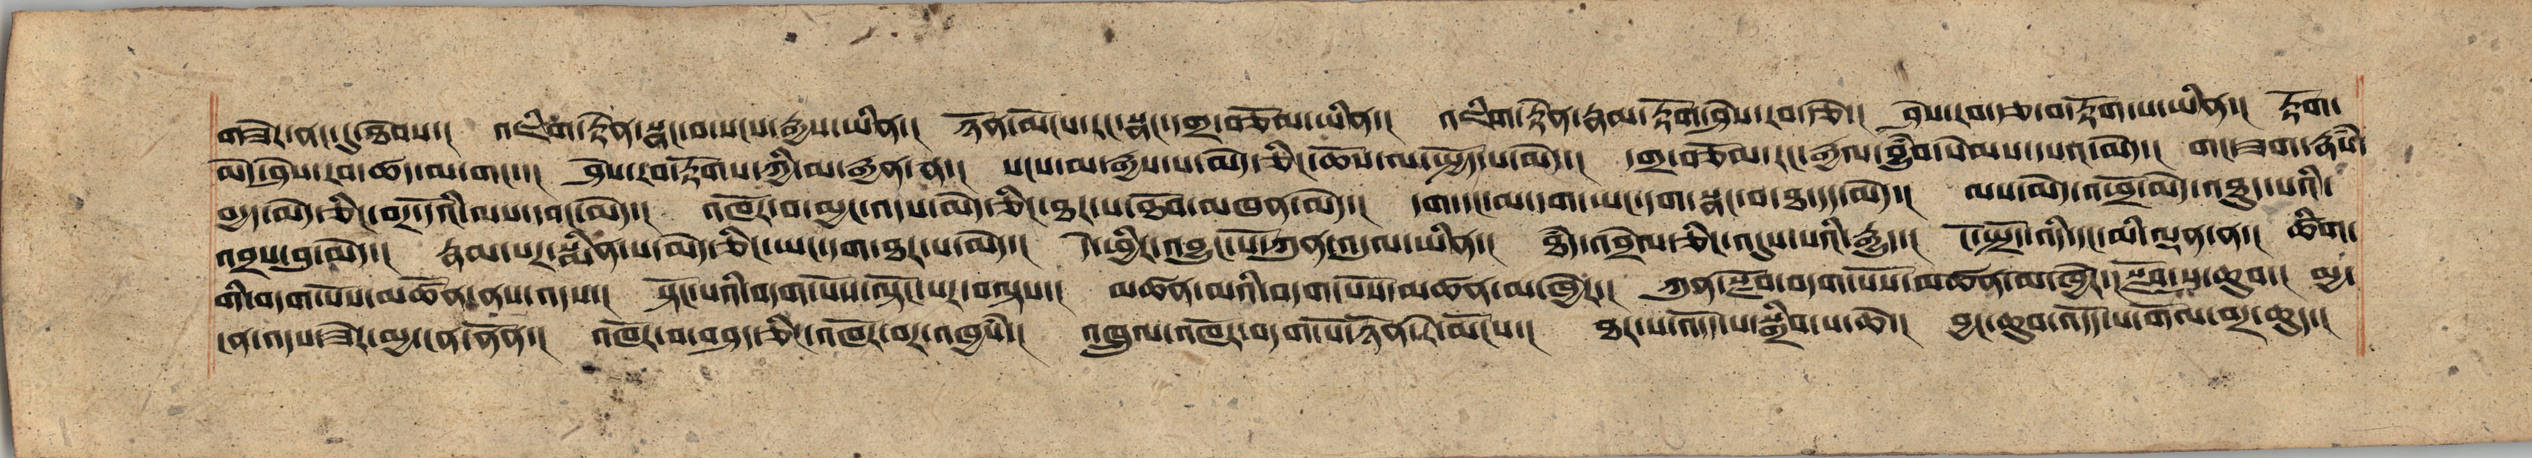གཟེརནང་དུ་ཐེབས་། འཐིག་རྟེན་སྣང་བ་སངས་རྒྱས་ཡིན་། ཉོན་མོངས་རང་སྣང་དགྲ་བཅོམ་ཡིན་། འཇིག་རྟེན་རྣམ་རྟོག་ཤེས་རབ་རྩེ་། ཤེས་རབ་རྩ་བ་རྟོག་པ་ཡིན་། རྟོག་
མེད་ཤེས་རབ་ཚད་མ་གང་་། ཤེས་རབ་རྟོགས་ཀྱི་མ་རྒྱན་ན་། སངས་མ་རྒྱས་པ་མེད་ཅིང་ཆོས་ལ་སྤྱོད་པ་མེད་། དགྲ་བཅོམ་རང་རྒྱལ་བྱུཾབ་སེམས་དཔའ་མེད་། གང་ཟག་རྣཾས་
བདྱད་མེད་ཅིང་བར་དོའི་ལས་དབང་མེད་། འཁོར་བ་མྱང་འདས་མེད་ཅིང་ཐར་པ་ཐོབ་མཁན་མེད་། དག་དང་མ་དག་ཡང་དག་སྣང་བ་ཐ་དད་མེད་། ལས་མེད་འཕྲོ་མེད་འཐུད་པའི་
འབྲས་བུ་མེད་། རྣམ་པར་སྨིན་པ་མེད་ཅིང་ཡང་དག་ཐར་པ་མེད་། དེ་ཕྱིར་འབྱུང་པོ་ཀུན་འདུལ་ཡིན་། ཐདཾ་འབྲེལ་ཅིང་འདུས་པའི་རྒྱུད་། ངོ་སྤྲོད་འདི་དང་མི་ལྡན་ན་། ཚིག་
གི་བདག་པོས་མཚོན་ནས་འདས་། སྟོང་པའི་བདག་པོས་ལྟོང་པར་བལྟས་། མཚན་མའི་བདག་པོས་མཚན་མ་ཁྱེར་། ཀུན་སྫོབ་བདག་པོས་མཚན་མ་ཁྱེར་སྫོབ་སུ་ཆུབ་། མྱ་
ངན་འདས་ཟེར་མྱ་ངན་ནོན་། འཁོར་བ་བཤད་ཅིང་འཁོར་བར་འཁྱཾས་། འཁྲུལ་འཁོར་བདག་པོ་ཉོན་རེ་མོངས་། ཐར་བ་འདོད་པ་སྒྲིབ་པ་ཆེ་། བྱང་ཆུབ་འདོད་པ་གོལ་བར་ཆུད་།